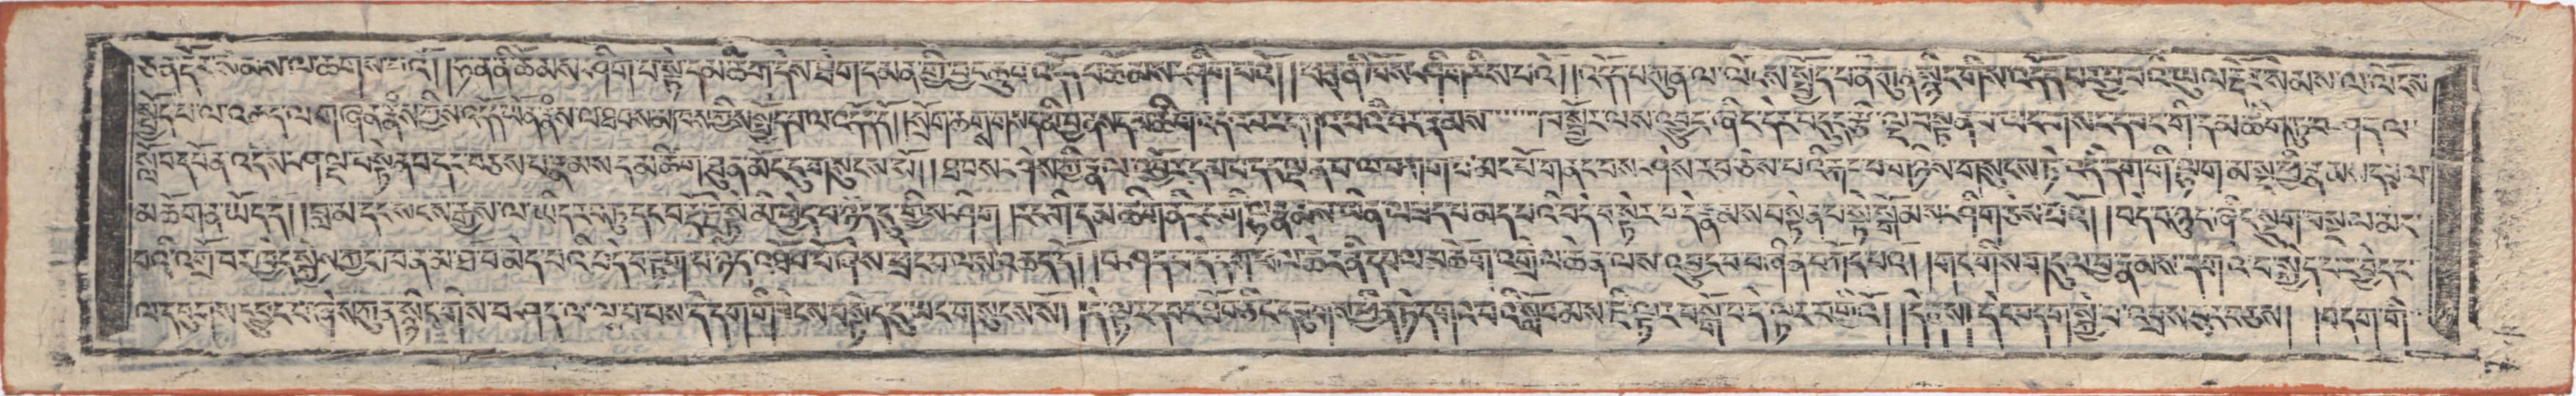ཅན་རྡོར་སེམས་ལ་ཆགས་པའོ། །ཧ་ན་ནི་ཆོམས་ཤིག་པ་སྟེ་དམ་ཚིག་དེས་ཐེག་དམན་གྱི་བྱང་ཆུབ་འདོད་པ་ཆོམས་ཤིག་པའོ། །ཕཊ་ནི་ཁོས་ཤིག་ཅིས་པའོ། །འདོད་པ་ཀུན་ལ་ལོངས་སྤྱོད་པ་ནི་ཀུན་སྙིང་གིས་འདོད་པར་བྱ་བའི་ཡུལ་རྡོར་སེམས་ལ་ལོངས་
སྤྱོད་པ་ལ་འཆད་ལ་གཞན་རྣམས་ཀྱིས་འདོད་ཡོན་རྣམས་ལ་ཐབས་མཁས་ཀྱིས་སྤྱོད་པ་ལ་འདོད་དོ། །སྲོག་ཆགས་གསད་མི་བྱ་ནས་དམ་ཚིག་འདའ་བར་དཀའ་བའི་བར་རྣམས་ཁ་སྦྱོར་ལས་འབྱུང་ཞིང་དེར་བདུད་རྩི་ལྔ་བསྟན་པ་ཡང་གསང་དབང་གི་དམ་ཚིག་ཏུ་བཤད་ལ་
སློབ་དཔོན་འདིས་ཤ་ལྔ་བསྟེན་པ་དང་བཅས་པ་རྣམས་དམ་ཚིག་ཐུན་མོང་དུ་གསུངས་སོ། །ཐབས་ཤེས་ཀྱི་རྣལ་འབྱོར་དམ་པ་དང་ལྡན་པ་ལ་བཀག་པ་མང་པོ་གནང་བས་ཤེས་རབ་ཅེས་པའི་རྐང་པ་གཉིས་གསུངས་ཏེ་འདི་དག་གི་ལྷག་མ་སྔ་ཕྱི་རྣམས་དཔལ་
མཆོག་ན་ཡོད་དོ། །བླ་མ་དང་སངས་རྒྱས་ལ་ཡིད་རབ་ཏུ་དང་བ་རྡོ་རྗེ་སྟེ་མི་ཕྱེད་པ་ཉིད་དུ་གྱིས་ཤིག །རང་གི་དམ་ཚིག་ནི་རང་གི་ལྷ་རྣམས་ཡིན་ལ་ཟད་པ་མེད་པའི་བདེ་བ་སྟེར་བ་དེ་རྣམས་བསྟེན་པ་སྟེ་སྒོམས་ཤིག་ཅེས་པའོ། །བདེ་བ་ཉུང་ཞིང་སྡུག་བསྔལ་མང་
བའི་འགྲོ་བར་ཁྱེད་སྐྱེས་ཀྱང་ཁ་ན་མ་ཐོ་བ་མེད་པའི་བདེ་བ་རྟག་པ་ཉིད་འཐོབ་པོ་ཞེས་ཕྲེང་བ་ལས་འཆད་དོ། །བཤད་པ་དེ་དག་ཕལ་ཆེར་ནི་དཔལ་མཆོག་འགྲེལ་ཆེན་ལས་འབྱུང་བ་བཞིན་བཀོད་པའོ། །གང་གིས་གདུལ་བྱ་རྣམས་དགའ་བ་སྐྱེད་པར་བྱེད་པ་
ལ་དབུགས་དབྱུང་བ་ཞེས་ཀུན་སྙིང་གིས་བཤད་ལ་ལྭ་པ་པས་དེ་དག་གི་གཟེངས་བསྟོད་དུ་ཡང་གསུངས་སོ། །དེ་ལྟར་དབང་ཐོབ་ཅིང་དབུགས་ཕྱིན་ཏེ་དགའ་བའི་སློབ་མས་ཇི་ལྟར་བསྒོ་བ་དེ་ལྟར་བགྱིའོ། །དེ་ནས། དེང་བདག་སྐྱེ་བ་འབྲས་བུར་བཅས། །བདག་གི་